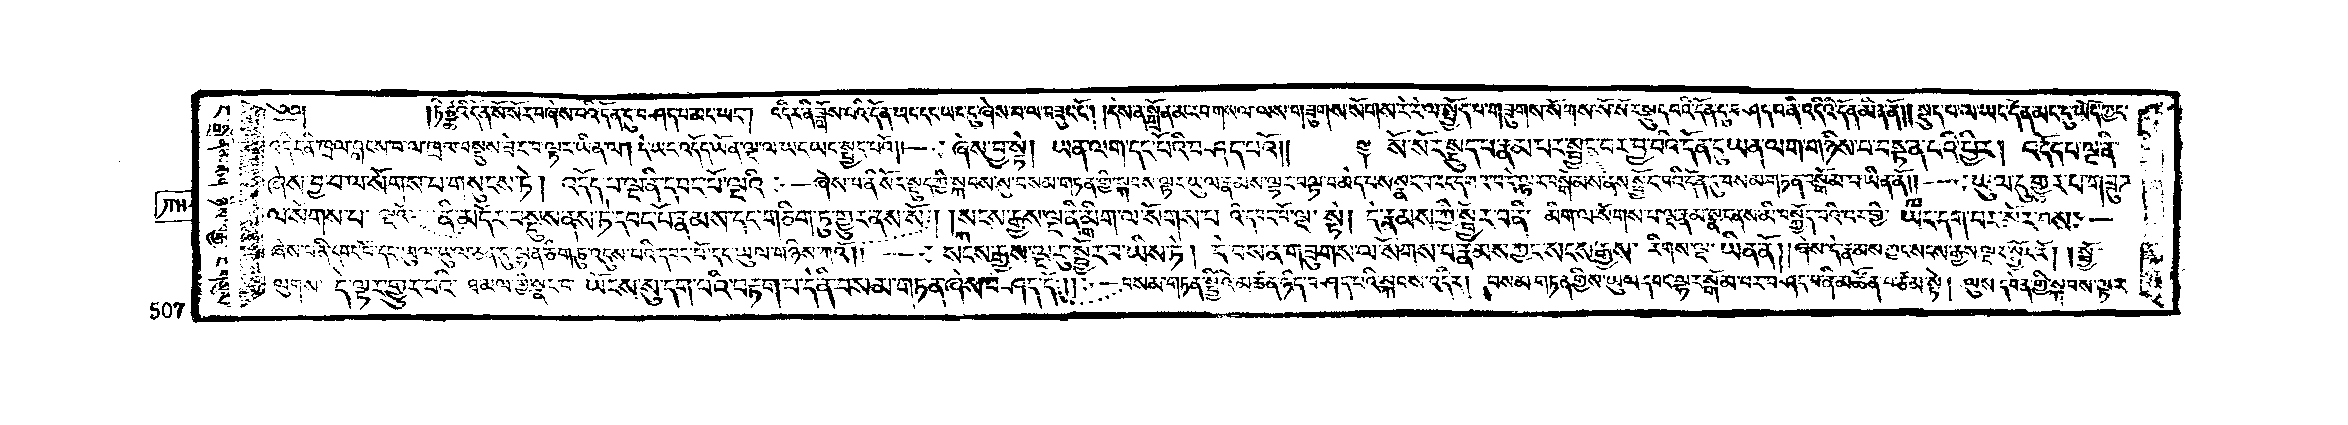༄༅། །ཏིཙྪའི་དོན་སོ་སོར་བཞེས་པའི་དོན་དུ་བཤད་པ་མང་ཡང་། འདིར་ནི་ཟློས་པའི་དོན་ཡང་དང་ཡང་དུ་ཞེས་པ་ལ་བཟུང་ངོ། །དེས་ན་སྒྲོན་མ་རབ་གསལ་ལས་གཟུགས་སོགས་རེ་རེ་ལ་སྤྱོད་པ་གཟུགས་སོགས་སོ་སོར་སྡུད་པའི་དོན་དུ་བཤད་པ་ནི་འདིའི་དོན་མིན་ནོ། །སྡུད་པ་ལ་ཡང་དོན་མང་དུ་ཡོད་ཀྱང་
འདིར་ནི་ཁྲལ་བླངས་པ་ལ་ཁྲལ་བསྡུས་ཟེར་བ་ལྟར་ཡིན་ལ། དེ་ཡང་འདོད་ཡོན་ལྔ་ལ་ཡང་ཡང་སྤྱད་པའོ།། .Hཞེས་བྱ་སྟེ། ཡན་ལག་དང་པོའི་བཤད་པའོ།། ༈ སོ་སོར་སྡུད་པ་རྣམ་པར་སྦྱང་བར་བྱ་བའི་དོན་དུ་ཡན་ལག་གཉིས་པ་བསྟན་པའི་ཕྱིར། འདོད་པ་ལྔ་ནི་
ཞེས་བྱ་བ་ལ་སོགས་པ་གསུངས་ཏེ། འདོད་པ་ལྔ་ནི་དབང་པོ་ལྔའིཿ་ཞེས་པ་ནི་སོར་སྡུད་ཀྱི་སྐབས་སུ་བསམ་གཏན་གྱི་སྐབས་ལྟར་ཡུལ་རྣམས་ལྷར་བལྟ་བ་མེད་པས་སྣང་བ་རང་དགའ་བ་དེ་ལྷར་བསྒོམས་ནས་སྦྱོང་བའི་དོན་དུ་བསམ་གཏན་བསྒོམ་པ་ཡིན་ནོ།།  .Hཡུལ་དུ་གྱུར་པ་གཟུགས་
ལ་སོགས་པ་ལྔའོ་ནི་མདོར་བསྡུས་ནས་ཏེ་དབང་པོ་རྣམས་དང་གཅིག་ཏུ་གྱུར་ནས་སོ། །སངས་རྒྱས་ལྔ་ནི་མིག་ལ་སོགས་པའི་དབང་པོ་ལྔ་སྟེ། དེ་རྣམས་ཀྱི་སྦྱོར་བ་ནི་མིག་ལ་སོགས་པ་ལྔ་རྣམ་སྣང་ནས་མི་བསྐྱོད་པའི་བར་གྱི་ཁ་ཡང་དག་པར་སྦྱོར་བསཿ
ཞེས་པ་ནི་དབང་པོ་དང་ཡུལ་ཡུལ་ཅན་དུ་ལྷན་ཅིག་ཏུ་འདུས་པའི་དབང་པོ་དང་ཡུལ་གཉིས་ཀའོ།།  .Hཀ་སངས་རྒྱས་ལྔ་རུ་ག་སྦྱོར་བ་ཡིས་ཏེ། དེ་བས་ན་གཟུགས་ལ་སོགས་པ་རྣམས་ཀྱང་སངས་རྒྱས་རིགས་ལྔ་ཡིན་ནོ། །ཞེས་དེ་རྣམས་ཀྱང་སངས་རྒྱས་ལྔར་སྦྱོར་རོ། །སྦྱོར་
ལུགས་དེ་ལྟར་གྱུར་པའི་ཐ་མལ་གྱི་སྣང་བ་ཡོངས་སུ་དག་པའི་བརྟག་པ་དེ་ནི་བསམ་གཏན་ཞེས་བཤད་དོ།། H.བསམ་གཏན་སྤྱིའི་མཚན་ཉིད་བཤད་པའི་སྐབས་འདིར། བསམ་གཏན་གྱིས་ཡུལ་དབང་ལྷར་སྒོམ་པར་བཤད་པ་ནི་མཚོན་པ་ཙམ་སྟེ། ལུས་དབེན་གྱི་སྐབས་ལྟར་